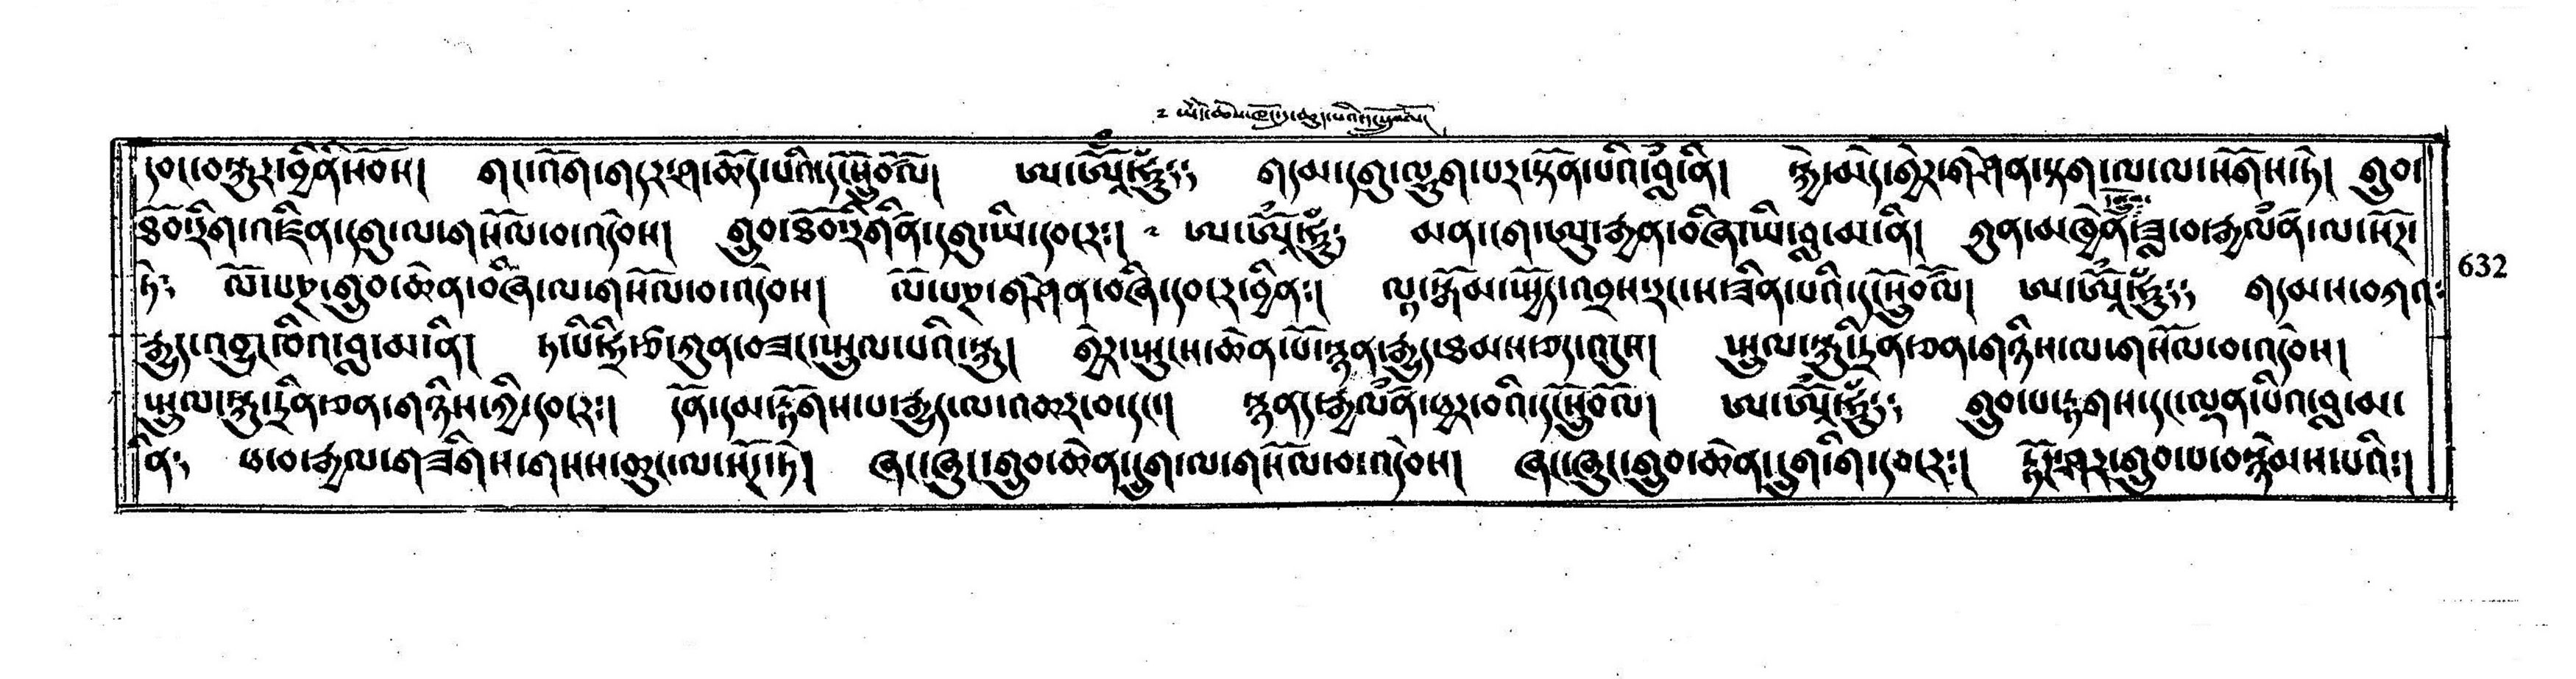དབང་བསྐུར་བྱིན་གྱིས་རློབས། གོང་འོག་གདར་ཤ་ཆོད་པའི་དངོས་གྲུབ་སྩོལ། ཨ་ཨཱོཾ་ཧཱུཾ།། གདམ་དགུ་ལྷུག་པར་སྟོན་པའི་བླ་མ་ནི། སྐྱེ་མེད་གྱེར་གཤེན་སྟག་ལ་ལ་སོགས་ཏེ། གྲུབ་
ཐོབ་རིག་འཛིན་དགུ་ལ་གསོལ་བ་འདེབས། གྲུབ་ཐོབ་རིག་འཛིན་དགུ་ཡི་དབང་བསྐུར༴། ཡིད་ཆེས་ཁོང་དུ་ཆུད་པའི་དངོས་གྲུབ་སྩོལ། ཨ་ཨཱོཾ་ཧཱུཾ། མན་ངག་ཨུ་རྒྱན་བཞི་ཡི་བླ་མ་ནི། ཀུན་མཁྱེན་དོན་གྲུབ་ཟླ་བ་རྒྱལ་མཚན་ལ་སོགས་
ཏེ། ལོ་པཎ་གྲུབ་ཆེན་བཞི་ལ་གསོལ་བ་འདེབས། ལོ་པཎ་གཤེན་བཞི་དབང་བསྐུར་བྱིན༴། ལྟ་སྒོམ་སྤྱོད་འབྲས་རང་ས་ཟིན་པའི་དངོས་གྲུབ་སྩོལ། ཨ་ཨཱོཾ་ཧཱུཾ།། གདམས་ངག་བཀའ་
རྒྱུད་འབྱུང་བའི་བླ་མ་ནི། ཏ་པི་ཧྲི་ཙ་ཀུན་བཟང་སྤྲུལ་པའི་སྐུ། གྱེར་སྤུངས་ཆེན་པོ་སྙན་རྒྱུད་ཐམས་ཅད་འདུས། སྤྲུལ་སྐུ་དྲིན་ཅན་གཉིས་ལ་གསོལ་བ་འདེབས། 
སྤྲུལ་སྐུ་དྲིན་ཅན་གཉིས་ཀྱི་དབང་བསྐུར༴། དོན་དམ་རྟོགས་པ་རྒྱུད་ལ་འཆར་བ་དང་། སྙན་རྒྱུད་རྒྱལ་མཚན་ཕྱར་བའི་དངོས་གྲུབ་སྩོལ། ཨ་ཨཱོཾ་ཧཱུཾ།། གྲུབ་པ་རྟགས་དང་ལྡན་པའི་བླ་མ་
ནི། ཕ་བ་རྒྱལ་གཟིགས་གསས་ཆུང་ལ་སོགས་ཏེ། ཞང་ཞུང་གྲུབ་ཆེན་དྲུག་ལ་གསོལ་བ་འདེབས། ཞང་ཞུང་གྲུབ་ཆེན་དྲུག་གི་དབང་བསྐུར༴། རྟོགས་ཤར་གྲུབ་པ་བསྙེམས་པའི༴།